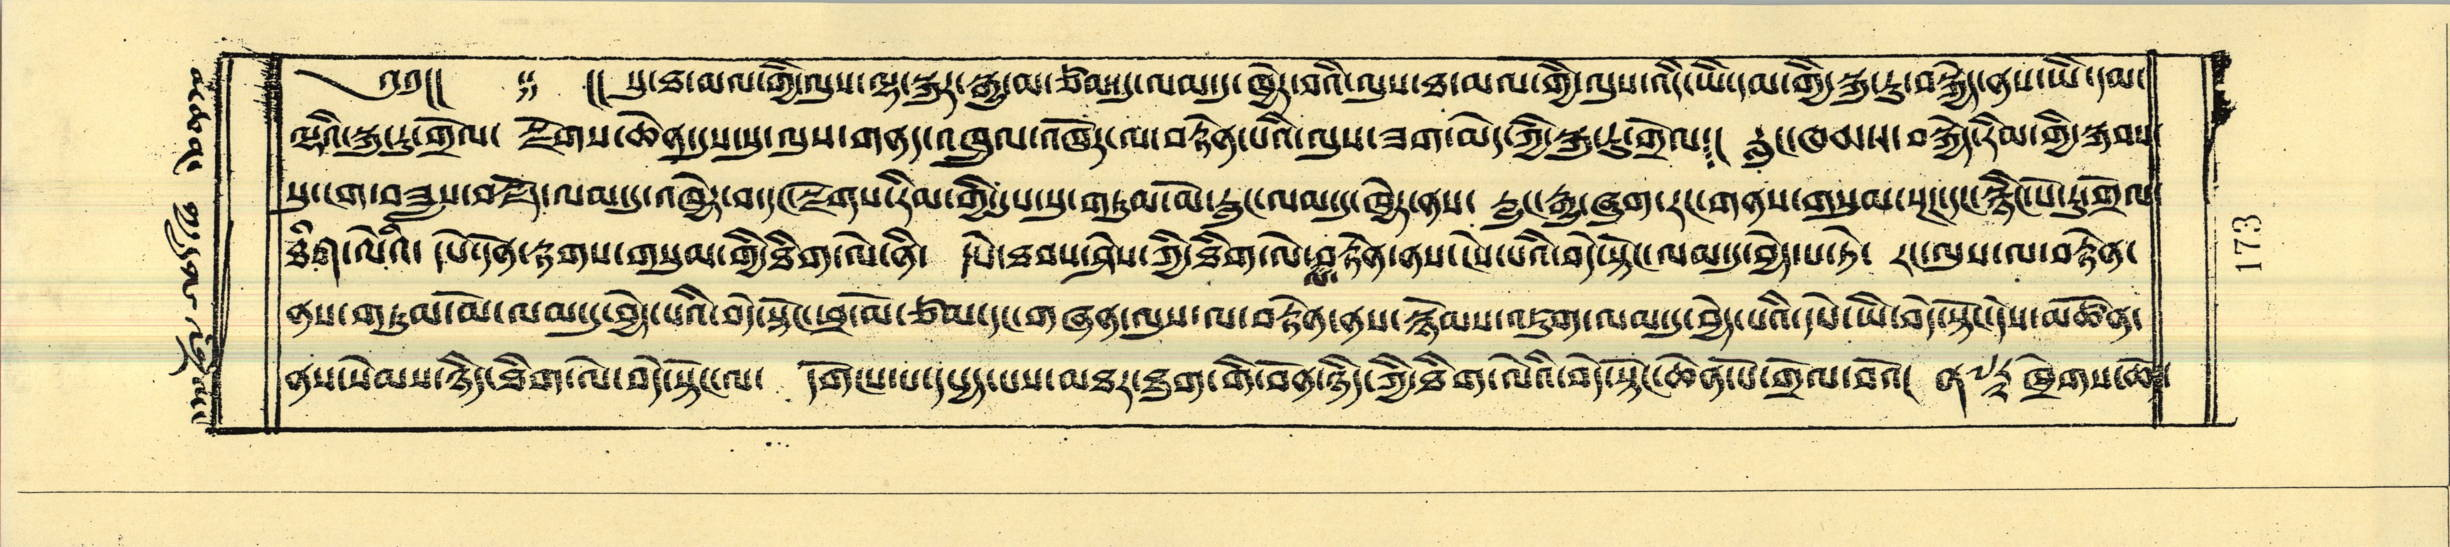སུ་ཐ་མལ་གྱི་ལུས་ལྷ་སྐུར་སྒྱུ་མ་ཙམ་དུ་ལམ་དུ་ཁྱེར་བའི་ལུས་ཐ་མལ་གྱི་ལུས་འདི་ཡི་དམ་གྱི་སྐུ་རུ་བསྐྱེད་ནས་ཡི་དམ་
ལྷའི་ཡི་དམ་སྐུ་རུ་གྲོལ། རྫོགས་ཆེན་དུས་སུ་ལུས་གནད་འཁྲུལ་འཁོར་ལ་བརྟེན་པའི་ལུས་ཟག་མེད་ཀྱི་སྐུ་རུ་གྲོལ། ༼རླུང་ཁམས༽བསྐྱེད་རིམ་གྱི་སྐབས་
སུ་ངག་བཟླས་བརྗོད་ལམ་དུ་འཁྱེར་བ་དང་རྫོགས་རིམ་གྱི་དུས་སུ་གཏུམ་མོ་རླུང་ལམ་དུ་འཁྱེར་ནས་རླུང་རྒྱུ་ཞུགས་རང་གནས་གསུམ་སྔགས་དང་སྙིང་པོ་རུ་གྲོལ་
ཐིག་ལེའི་ དཔེ་དོན་རྟགས་གསུམ་གྱི་ཐིག་ལེ་ནི། དཔེ་ཐབས་ཤེས་ཀྱི་ཐིག་ལེ་ལ་བརྟེན་ནས་ངེས་པའི་བདེ་སྟོང་ལམ་དུ་བྱེད་པ་སྟེ། རང་ལུས་ལ་བརྟེན་
ནས་གཏུམ་མོ་ལམ་དུ་བྱེད་པའི་བདེ་སྟོང་ཕྲ་མོ་ཙམ་དང་གཞན་ལུས་ལ་བརྟེན་ནས་སྙོམས་འཇུག་ལམ་དུ་བྱེད་པའི་དཔེ་ཡི་བདེ་སྟོང་དེས་མཚོན་
ནས་སེམས་ཉིད་ཐིག་ལེ་བདེ་སྟོང་ལ་དགོངས་པ་དཔྱད་པས་མཐར་ཐུག་གི་བོན་ཉིད་ཀྱི་ཐིག་ལེའི་བདེ་སྟོང་ཆེན་པོར་གྲོལ་བའོ། ན༧༨།༢ ཁྲེགས་ཆོད་